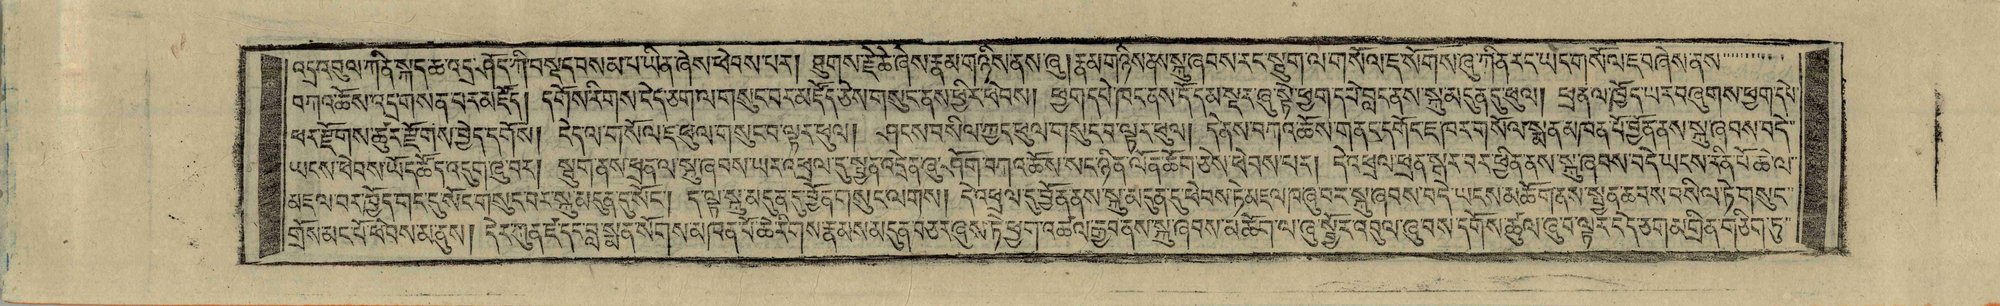འདྲ་འབུལ་ཀིན་སྐད་ཆ་འདྲ་ཤོད་ཀི་བསྡད་བསམ་པ་ཡིན་ཞེས་ཕེབས་པར། ཐུགས་རྗེ་ཆེ་ཞེས་རྣམ་གཉིས་ནས་ཞུ། རྣམ་གཉིས་ནས་སྐུ་ཞབས་རང་སྦུག་ལ་གསོལ་ཇ་སོགས་ཞུ་ཀིན་རང་ཡང་གསོལ་ཇ་བཞེས་ནས་
བཀའ་ཆོས་འདྲ་གསན་པར་མཛོད། དགོས་རིགས་ངེད་ཅག་ལ་གསུང་བར་མཛོད་ཅེས་གསུང་ནས་ཕྱིར་ཕེབས། ཕྱག་དཔེ་ཁང་ནས་དོ་དམ་སྔར་ཞུ་སྟེ་ཕྱག་དཔེ་བླང་ནས་སྐུ་མདུན་དུ་ཕུལ། ཕྲན་ལ་ཁྱོད་ཡར་བཞུགས་ཕྱག་དཔེ་
ཕར་རྫོགས་ཚུར་རྫོགས་བྱེད་དགོས། ངེད་ལ་གསོལ་ཇ་ཕུལ་གསུང་བ་ལྟར་ཕུལ། ཤངས་བསིལ་ཀྱང་ཕུལ་གསུང་བ་ལྟར་ཕུལ། དེ་ནས་བཀའ་ཆོས་གནང་དགོང་ཇ་ཁར་གསོལ་སྨན་མཁན་པོ་བྱོན་ནས་སྐུ་ཞབས་བདེ་
ཡངས་ཕེབས་ཡོད་ཚོད་འདུག་ཞུ་བར། སྦུག་ནས་ཕྲན་ལ་སྐུ་ཞབས་ཡར་འཕྲལ་དུ་སྤྱན་འདྲེན་ཞུ་ཤོག་བཀའ་ཆོས་སང་ཉིན་ལོན་ཆོག་ཅེས་ཕེབས་པར། དེ་འཕྲལ་ཕྲན་སྒར་བར་ཕྱིན་ནས་སྐུ་ཞབས་བདེ་ཡངས་རིན་པོ་ཆེ་ལ་
མཇལ་བར་ཁྱོད་གང་དུ་སོང་གསུང་བར་སྐུ་མདུན་དུ་སོང་། ད་ལྟ་སྐུ་མདུན་དུ་བྱོན་གསུང་ལགས། དེ་འཕྲལ་དུ་བྱོན་ནས་སྐུ་མདུན་དུ་ཕེབས་ཏེ་མཇལ་ཁ་ཞུ་བར་སྐུ་ཞབས་བདེ་ཡངས་མཆོག་ནས་སྤྱན་ཆབས་བསིལ་ཏེ་གསུང་
གྲོས་མང་པོ་ཕེབས་མ་ནུས། དེར་ཀུན་ཛ་དང་བླ་སྨན་སོགས་མཁན་པོ་ཆེ་རིགས་རྣམས་མདུན་བཅར་ཞུས་ཏེ་ཕྱག་འཚལ་རྒྱབ་ནས་སྐུ་ཞབས་མཆོག་ལ་ཞུ་སྦྱོར་འབུལ་ཞུ་བས་དགོས་ཚུལ་ཞུ་བ་ལྟར་ངེད་ཅག་མགྲིན་གཅིག་ཏུ་